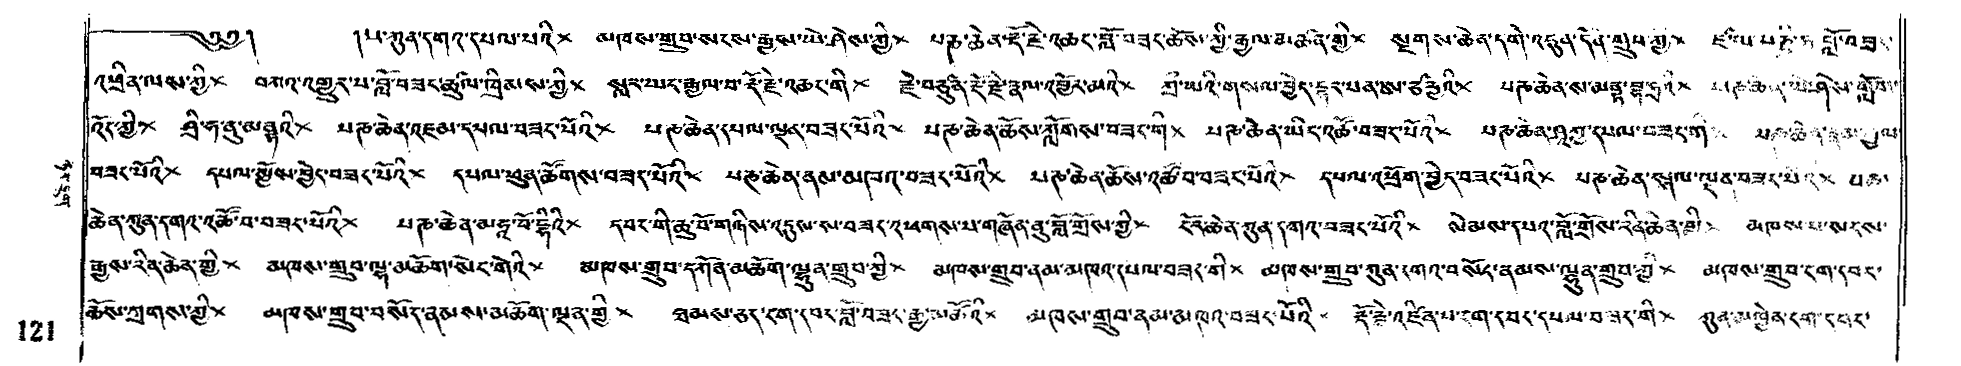༄༅། །པ་ཀུན་དགའ་དཔལ་པའི་྾་མཁས་གྲུབ་སངས་རྒྱས་ཡེ་ཤེས་ཀྱི་྾་པཎ་ཆེན་རྡོ་རྗེ་འཆང་བློ་བཟང་ཆོས་ཀྱི་རྒྱལ་མཚན་གྱི་྾་སྔགས་ཆེན་དགེ་འདུན་དོན་གྲུབ་ཀྱི་྾་ཛ་ལ་པཎྜི་ཏ་བློ་བཟང་
འཕྲིན་ལས་ཀྱི་྾་བཀའ་འགྱུར་པ་བློ་བཟང་ཚུལ་ཁྲིམས་ཀྱི་྾་སླར་ཡང་རྒྱལ་བ་རྡོ་རྗེ་འཆང་གི་྾་རྗེ་བཙུན་རྡོ་རྗེ་རྣལ་འབྱོར་མའི་྾་ཀྲྀ་ཡའི་གསལ་བྱེད་དྷར་པ་ན་ཨ་ཙརྱའི་྾་པཎ་ཆེན་ས་མནྟ་བྷ་ཏྲའི་྾་པཎ་ཆེན་ཡེ་ཤེས་གློག་
འོད་ཀྱི་྾་ཤྲི་ཧ་ནུ་མནྟའི་྾་པཎ་ཆེན་འཇམ་དཔལ་བཟང་པོའི་྾་པཎ་ཆེན་དཔལ་ལྡན་བཟང་པོའི་྾་པཎ་ཆེན་ཆོས་ཀློགས་བཟང་གི་྾་པཎ་ཆེན་ཡིད་འཚོ་བཟང་པོའི་྾་པཎ་ཆེན་ཤཱཀྱ་དཔལ་བཟང་གི་྾་པཎ་ཆེན་རྣམ་རྒྱལ་
བཟང་པོའི་྾་དཔལ་མྱོས་བྱེད་བཟང་པོའི་྾་དཔལ་ཕུན་ཚོགས་བཟང་པོའི་྾་པཎ་ཆེན་ནས་མཁའ་བཟང་པོའི་྾་པཎ་ཆེན་ཆོས་འཚོ་བ་བཟང་པོའི་྾་དཔལ་འཕྲོག་བྱེད་བཟང་པོའི་྾་པཎ་ཆེན་སྐལ་ལྡན་བཟང་པོའི་྾་པཎ་
ཆེན་ཀུན་དགའ་འཚོ་བ་བཟང་པོའི་྾་པཎ་ཆེན་མ་ཧཱ་བོདྷིའི་྾་དབང་གི་ཆུ་བོ་གཉིས་འདུས་ས་བཟང་འཕགས་པ་གཞོན་ནུ་བློ་གྲོས་ཀྱི་྾་ངོར་ཆེན་ཀུན་དགའ་བཟང་པོའི་྾་སེམས་དཔའ་བློ་གྲོས་རིན་ཆེན་གྱི་྾་མཁས་པ་སངས་
རྒྱས་རིན་ཆེན་གྱི་྾་མཁས་གྲུབ་ལྷ་མཆོག་སེང་གེའི་྾་མཁས་གྲུབ་དཀོན་མཆོག་ལྷུན་གྲུབ་ཀྱི་྾་མཁས་གྲུབ་ནམ་མཁའ་དཔལ་བཟང་གི་྾་མཁས་གྲུབ་ཀུན་དགའ་བསོད་ནམས་རྣམས་ལྷུན་གྲུབ་ཀྱི་྾་མཁས་གྲུབ་ངག་དབང་
ཆོས་གྲགས་ཀྱི་྾་མཁས་གྲུབ་བསོད་ནམས་མཆོག་ལྡན་གྱི་྾་ཐམས་ཅད་ངག་དབང་བློ་བཟང་རྒྱ་མཚོའི་྾་མཁས་གྲུབ་ནམ་མཁའ་བཟང་པོའི་྾་རྡོ་རྗེ་འཛིན་པ་ངག་དབང་དཔལ་བཟང་གི་྾་ཀུན་མཁྱེན་ངག་དབང་